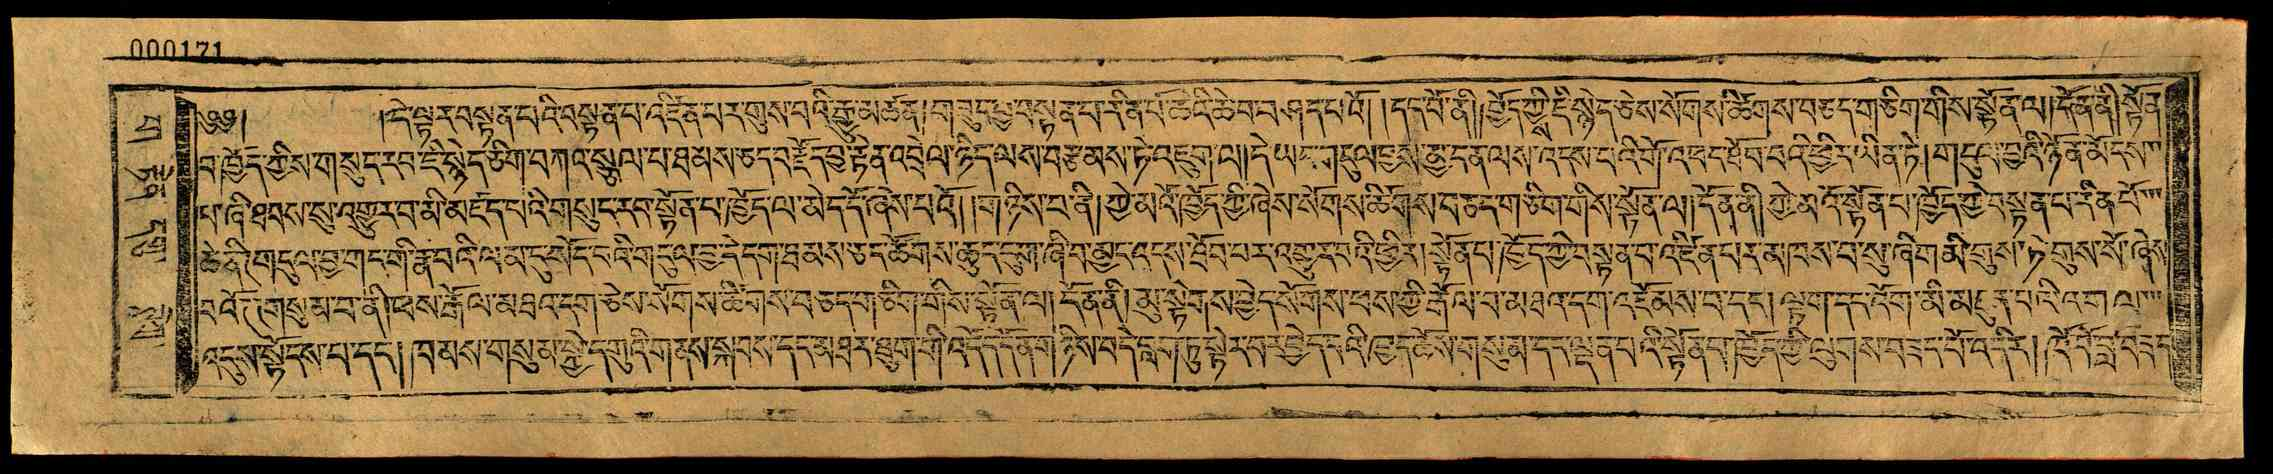༄༅། །དེ་ལྟར་བསྟན་པའི་བསྟན་པ་འཛིན་པར་གུས་པའི་རྒྱུ་མཚན། གཟུང་བྱ་བསྟན་པ་རིན་པོ་ཆེའི་ཆེ་བ་བཤད་པའོ། །དང་པོ་ནི། ཁྱོད་ཀྱིས་ཇི་སྙེད་ཅེས་སོགས་ཚིགས་བཅད་གཅིག་གིས་སྟོན་ལ། དོན་ནི། སྟོན་
པ་ཁྱོད་ཀྱིས་གསུང་རབ་ཇི་སྙེད་ཅིག་བཀའ་སྩལ་པ་ཐམས་ཅད་བརྗོད་བྱ་རྟེན་འབྲེལ་ཉིད་ལས་བརྩམས་ཏེ་འཇུག་ལ། དེ་ཡང་གདུལ་བྱས་མྱ་ངན་ལས་འདས་པའི་གོ་འཕང་ཐོབ་པའི་ཕྱིར་ཡིན་ཏེ། གདུལ་བྱའི་ཉོན་མོངས་
པ་ཞི་ཐབས་སུ་འགྱུར་བ་མི་མཛད་པའི་གསུང་རབ་སྟོན་པ་ཁྱོད་ལ་མེད་དོ་ཞེས་པའོ། །གཉིས་པ་ནི། ཀྱེ་མའོ་ཁྱོད་ཀྱི་ཞེས་སོགས་ཚིགས་བཅད་གཅིག་གིས་སྟོན་ལ། དོན་ནི། ཀྱེ་མའོ་སྟོན་པ་ཁྱོད་ཀྱི་བསྟན་པ་རིན་པོ་
ཆེ་ནི། གདུལ་བྱ་གང་གི་རྣ་བའི་ལམ་དུ་སོང་བའི་གདུལ་བྱ་དེ་དག་ཐམས་ཅད་ཚེགས་ཆུང་དུས་ཞི་བ་མྱང་འདས་ཐོབ་པར་འགྱུར་བའི་ཕྱིར། སྟོན་པ་ཁྱོད་ཀྱི་བསྟན་པ་འཛིན་པར་མཁས་པ་སུ་ཞིག་མི་གུས་ཏེ་གུས་སོ་ཞེས་
པའོ། །གསུམ་པ་ནི། ཕས་རྒོལ་མཐའ་དག་ཅེས་སོགས་ཚིགས་བཅད་གཅིག་གིས་སྟོན་ལ། དོན་ནི། མུ་སྟེགས་བྱེད་སོགས་ཕས་ཀྱི་རྒོལ་བ་མཐའ་དག་འཇོམས་པ་དང་། ལྟག་དང་འོག་མི་མཐུན་པའི་འགེལ་
འདུས་སྟོངས་པ་དང་། ཁམས་གསུམ་སྐྱེ་དགུའི་གནས་སྐབས་དང་མཐར་ཐུག་གི་འདོད་དོན་གཉིས་བདེ་བླག་ཏུ་སྟེར་བར་བྱེད་པའི་ཁྱད་ཆོས་གསུམ་དང་ལྡན་པའི་སྟོན་པ་ཁྱོད་ཀྱི་ལུགས་བཟང་པོ་འདིར། ཁོ་བོ་བློ་བཟང་